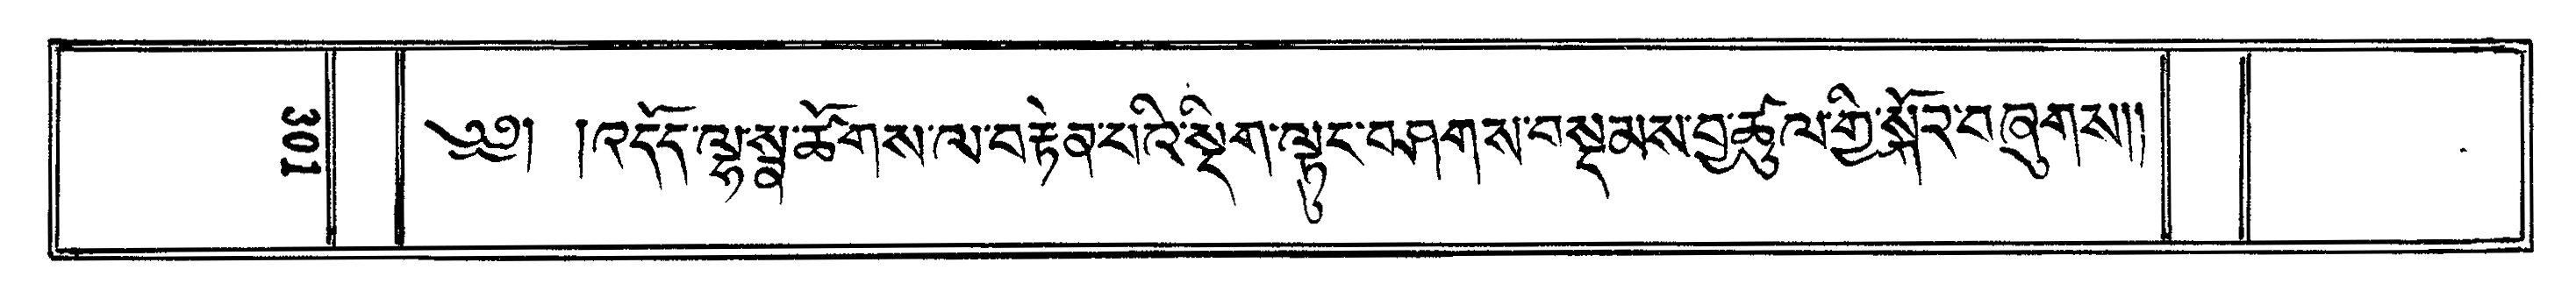༄༅། །འདོད་ལྷ་སྣ་ཚོགས་ལ་བརྟེན་པའི་སྡིག་ལྟུང་བཤགས་བསྡམས་བྱ་ཚུལ་གྱི་སྐོར་བཞུགས།།